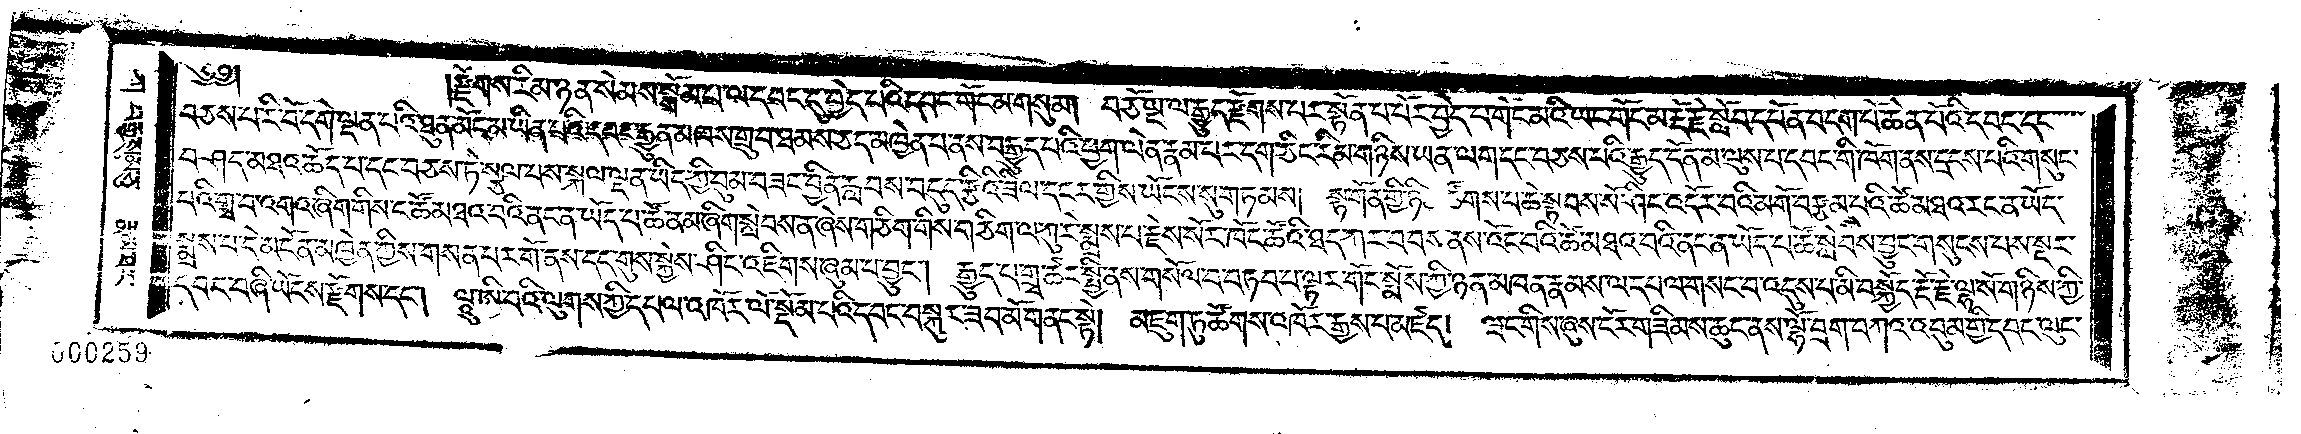༄༅། །རྫོགས་རིམ་ཉན་སེམས་སྒོམ་པ་ལ་དབང་དུ་བྱེད་པའི་དབང་གོང་མ་གསུམ། བཅོ་ལྔ་ལ་རྒྱུད་རྫོགས་པར་སྟོན་པ་པོར་བྱེད་པ་གོང་མའི་ཡང་གོང་མ་རྡོ་རྗེ་སློབ་དཔོན་བདག་པོ་ཆེན་པོའི་དབང་དང་
བཅས་པ་རི་བོ་དགེ་ལྡན་པའི་ཐུན་མོང་མ་ཡིན་པའི་དབང་རྒྱུན་མཁས་གྲུབ་ཐམས་ཅད་མཁྱེན་པ་ནས་བརྒྱུད་པའི་ཕྱག་ལེན་རྣམ་པར་དག་ཅིང་རིམ་གཉིས་ཡན་ལག་དང་བཅས་པའི་རྒྱུད་དོན་མ་ལུས་པ་དབང་གི་ཁོག་ནས་དྲངས་པའི་གསུང་
བཤད་མཐའ་ཆོད་པ་དང་བཅས་ཏེ་སྩལ་པས་སྐལ་ལྡན་ཡིད་ཀྱི་བུམ་བཟང་བྱིན་རླབས་བདུད་རྩིའི་ཟིལ་དངར་གྱིས་ཡོངས་སུ་གཏམས། སྟ་གོན་གྱི་ཉིན་ཚོགས་པ་ཆེ་སྟབས་སོ་ཤིང་འདོར་བའི་མགོ་བརྩམ་པའི་ཚེ་མཐའ་རང་ན་ཡོད་
པའི་གྲྭ་བ་འགའ་ཞིག་གིས་ང་ཚོ་མཐའ་བའི་ནང་ན་ཡོད་པ་ཚོན་མ་ཞིག་སླེབས་ན་ཞེས་གཅིག་གིས་གཅིག་ལ་ཀུ་རེ་སྨྲས་པ་རྗེས་སོར་ཁོང་ཚོའི་ཐ་དཀར་བབས་ནས་འོང་བའི་ཚོ་མཐའ་བའི་ནང་ན་ཡོད་པ་ཚོ་སླེབས་བྱུང་གསུངས་པས་སྔར་
སྨྲས་པ་དེ་མངོན་མཁྱེན་ཀྱིས་གསན་པར་གོ་ནས་དད་གུས་སྐྱེས་ཤིང་འཇིགས་ཞུམ་པ་བྱུང་། རྒྱུད་པ་གྲྭ་ཚང་སྤྱི་ནས་གསོལ་བ་བཏབ་པ་ལྟར་གོང་སྨོས་ཀྱི་ཉན་མཁན་རྣམས་ལ་དཔལ་གསང་བ་འདུས་པ་མི་བསྐྱོད་རྡོ་རྗེ་ལྷ་སོ་གཉིས་ཀྱི་
དབང་བཞི་ཡོངས་རྫོགས་དང་། ལཱུ་ཨི་བའི་ལུགས་ཀྱི་དཔལ་འཁོར་ལོ་སྡོམ་བའི་དབང་བསྐུར་ཟབ་མོ་གནང་སྟེ། མཇུག་ཏུ་ཚོགས་འཁོར་རྒྱས་པ་མཛད། ཝང་གིས་ཞུས་ངོར་གཟིམས་ཆུང་ནས་ལྷོ་བྲག་བཀའ་འབུམ་གྱི་དབང་ལུང་